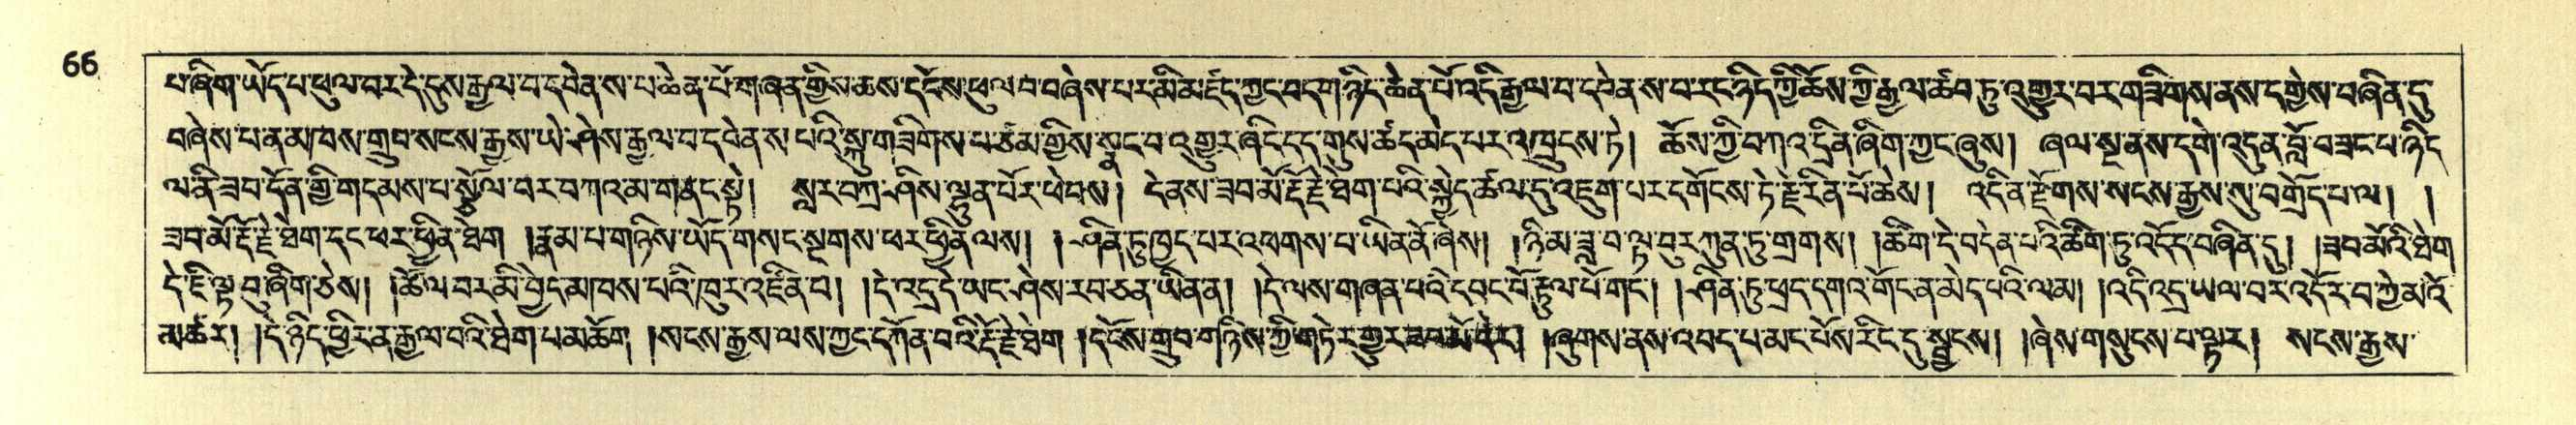པ་ཞིག་ཡོད་པ་ཕུལ་བར་དེ་དུས་རྒྱལ་བ་དབེན་ས་པ་ཆེན་པོ་གཞན་གྱིས་ཆས་དངོས་ཕུལ་བ་བཞེས་པར་མི་མཛད་ཀྱང་བདག་ཉིད་ཆེན་པོ་འདི་རྒྱལ་བ་དབེན་ས་བ་རང་ཉིད་ཀྱི་ཆོས་ཀྱི་རྒྱལ་ཚབ་ཏུ་འགྱུར་བར་གཟིགས་ནས་དགྱེས་བཞིན་དུ་
བཞེས་པ་ན་མཁས་གྲུབ་སངས་རྒྱས་ཡེ་ཤེས་རྒྱལ་བ་དབེན་ས་པའི་སྐུ་གཟིགས་པ་ཙམ་གྱིས་སྣང་བ་འགྱུར་ཞིང་དད་གུས་ཚད་མེད་པར་འཁྲུངས་ཏེ། ཆོས་ཀྱི་བཀའ་དྲིན་ཞིག་ཀྱང་ཞུས། ཞལ་སྔ་ནས་དགེ་འདུན་བློ་བཟང་པ་ཉིད་
ལ་ནི་ཟབ་དོན་གྱི་གདམས་པ་སྩོལ་བར་བཀའ་མ་གནང་སྟེ། སླར་བཀྲ་ཤིས་ལྷུན་པོར་ཕེབས། དེ་ནས་ཟབ་མོ་རྡོ་རྗེ་ཐེག་པའི་སྐྱེད་ཚལ་དུ་འཇུག་པར་དགོངས་ཏེ་རྗེ་རིན་པོ་ཆེས། འདི་ན་རྫོགས་སངས་རྒྱས་སུ་བགྲོད་པ་ལ། །
ཟབ་མོ་རྡོ་རྗེ་ཐེག་དང་ཕར་ཕྱིན་ཐེག །རྣམ་པ་གཉིས་ཡོད་གསང་སྔགས་ཕར་ཕྱིན་ལས། །ཤིན་ཏུ་ཁྱད་པར་འཕགས་པ་ཡིན་ནོ་ཞེས། །ཉི་མ་ཟླ་བ་ལྟ་བུར་ཀུན་ཏུ་གྲགས། །ཚིག་དེ་དབེན་པའི་ཚིག་ཏུ་འདོད་བཞིན་དུ། །ཟབ་མོའི་ཐེག་
དེ་ཇི་ལྟ་བུ་ཞིག་ཅེས། །ཚོལ་བར་མི་བྱེད་མཁས་པའི་ཁུར་འཛིན་པ། །དེ་འདྲ་དེ་ཡང་ཤེས་རབ་ཅན་ཡིན་ན། །དེ་ལས་གཞན་པའི་དབང་པོ་རྟུལ་པོ་གང་། །ཤིན་ཏུ་ཕྲད་དགའ་གོང་ན་མེད་པའི་ལམ། །འདི་འདྲ་ཡལ་བར་འདོར་བ་ཀྱེ་མའོ་
མཚར། །དེ་ཉིད་ཕྱིར་ན་རྒྱལ་བའི་ཐེག་པ་མཆོག །སངས་རྒྱས་ལས་ཀྱང་དཀོན་བའི་རྡོ་རྗེ་ཐེག །དངོས་གྲུབ་གཉིས་ཀྱི་གཏེར་གྱུར་ཟབ་མོ་དེར། །ཞུགས་ནས་འབད་པ་མང་པོས་རིང་དུ་སྦྱངས། །ཞེས་གསུངས་པ་ལྟར། སངས་རྒྱས་